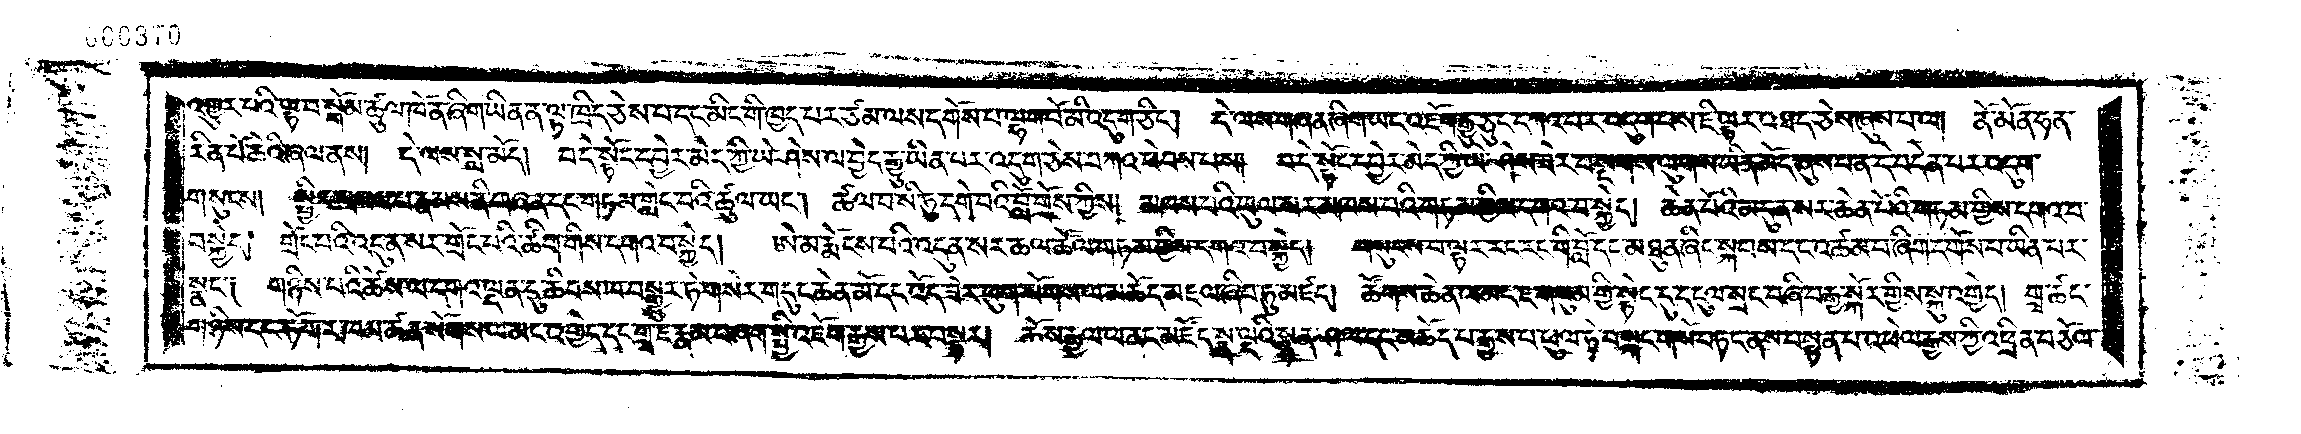འགྱུར་པའི་ལྟ་བ་སྒོམ་ཚུལ་ཁོ་ན་ཞིག་ཡིན་ན་ལྟ་ཁྲིད་ཅེས་པ་དང་མིང་གི་ཁྱད་པར་ཙམ་ལས་དགོས་པ་ལྷག་པོ་མི་འདུག་ཅིང་། དེ་ལས་གཞན་ཞིག་ཡང་འཇོག་རྒྱུ་ཅུང་དཀའ་བར་འདུག་པས་ཇི་ལྟར་འཐད་ཅེས་ཞུས་པ་ལ། ནོ་མོན་ཧན་
རིན་པོ་ཆེའི་ཞལ་ནས། དེ་ལས་སླ་མོད། བདེ་སྟོང་དབྱེར་མེད་ཀྱི་ཡེ་ཤེས་ལ་བྱེད་རྒྱུ་ཡིན་པར་འདུག་ཅེས་བཀའ་ཕེབས་པས། བདེ་སྟོང་དབྱེར་མེད་ཀྱི་ཡེ་ཤེས་ཟེར་བ་སྔགས་ལུགས་ཡིན་མོད་ཞུས་པ་ན་དེ་བདེན་པར་འདུག་
གསུངས། སྤྱིར་མཁས་པ་རྣམས་ནི་གཞན་དང་གཏམ་གླེང་བའི་ཚུལ་ཡང་། ཚལ་བ་སི་ཏུ་དགེ་བའི་བློ་གྲོས་ཀྱིས། མཁས་པའི་ཡུལ་སར་མཁས་པའི་གཏམ་གྱིས་དགའ་བ་སྐྱེད། ཆེན་པོའི་མདུན་སར་ཆེན་པོའི་གཏམ་གྱིས་དགའ་བ་
བསྐྱེད། གྲོང་བའི་འདུན་སར་གྲོང་པའི་ཚིག་གིས་དགའ་བསྐྱེད། ཨེ་མ་རྨོངས་པའི་འདུན་སར་ཆལ་ཆོལ་གཏམ་གྱིས་དགའ་བ་སྐྱེད། གསུངས་པ་ལྟར་རང་རང་གི་བློ་དང་མཐུན་ཞིང་སྐབས་དང་འཚམ་པ་ཞིག་དགོས་པ་ཡིན་པར་
སྣང༑ གཉིས་པའི་ཚེས་ལ་དགའ་ལྡན་དུ་ཆིབས་ཁ་བསྒྱུར་ཏེ་གསེར་གདུང་ཆེན་མོ་དང་འོད་ཟེར་ཕུག་སོགས་ལ་མཆོད་མཇལ་ཞིབ་ཏུ་མཛད། ཚོགས་ཆེན་ལ་མང་ཇ་གསུམ་གྱི་སྟེང་དུ་དངུལ་སྲང་བཞི་བརྒྱ་སྐོར་གྱིས་སྐུ་འགྱེད། གྲྭ་ཚང་
གཉིས་དང་ཏོག་ར་ཁམ་ཚན་སོགས་ལ་མང་འགྱེད་དང་གྲྭ་ཇ་རྣམ་བཞག་སྤྱི་འཇོག་རྒྱས་པར་བསྟར། ཆོས་རྒྱལ་ལ་ནང་མཛོད་སྣ་ལྔའི་སྙན་ཤལ་དང་མཆོད་པ་རྒྱས་པ་ཕུལ་ཏེ་བསྐང་གསོ་བཏང་ནས་བསྟན་པ་འཕེལ་རྒྱས་ཀྱི་འཕྲིན་བཅོལ་